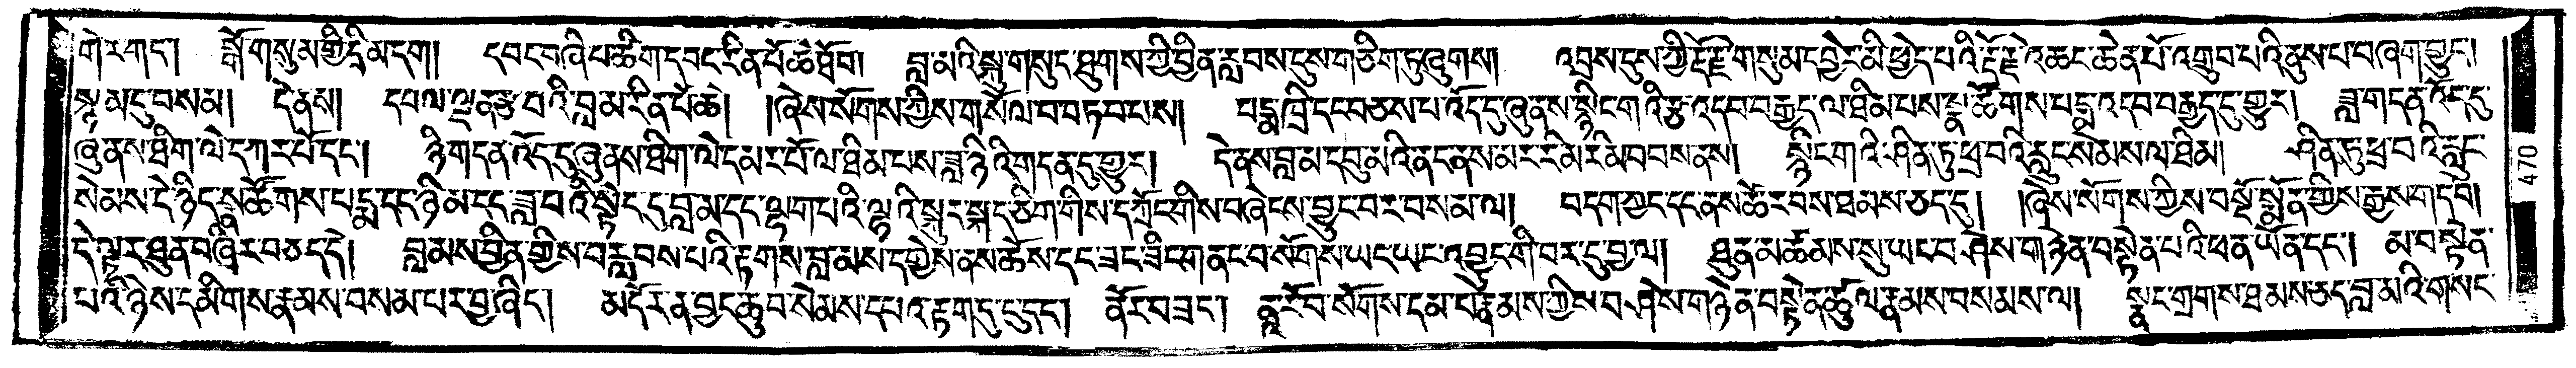གེར་གང་། སྒོ་གསུམ་གྱི་དྲི་མ་དག། དབང་བཞི་པ་ཚིག་དབང་རིན་པོ་ཆེ་ཐོབ། བླ་མའི་སྐུ་གསུང་ཐུགས་ཀྱི་བྱིན་རླབས་དུས་གཅིག་ཏུ་ཞུགས། འབྲས་དུས་ཀྱི་རྡོ་རྗེ་གསུམ་དབྱེར་མི་ཕྱེད་བའི་རྡོ་རྗེ་འཆང་ཆེན་པོ་འགྲུབ་པའི་ནུས་པ་བཞག་བྱུང་།
སྙམ་དུ་བསམ། དེ་ནས། དཔལ་ལྡན་རྩ་བའི་བླ་མ་རིན་པོ་ཆེ། །ཞེས་སོགས་ཀྱིས་གསོལ་བ་བཏབ་པས། པདམ་ཁྲི་དང་བཅས་པ་འོད་དུ་ཞུ་ནས་སྙིང་གའི་རྩ་འདབ་བརྒྱད་ལ་ཐིམ་པས་སྣ་ཚོགས་པདམ་འདབ་བརྒྱད་དུ་གྱུར། ཟླ་གདན་འོད་དུ་
ཞུ་ནས་ཐིག་ལེ་དཀར་པོ་དང་། ཉི་གདན་འོད་དུ་ཞུ་ནས་ཐིག་ལེ་དམར་པོ་ལ་ཐིམ་པས་ཟླ་ཉིའི་གདན་དུ་གྱུར། དེ་ནས་བླ་མ་དབུ་མའི་ནང་ནས་མར་རིམ་རིམ་བབས་ནས། སྙིང་གའི་ཤིན་ཏུ་ཕྲ་བའི་རླུང་སེམས་ལ་ཐིམ། ཤིན་ཏུ་ཕྲ་བའི་རླུང་
སེམས་དེ་ཉིད་སྣ་ཚོགས་པདམ་དང་ཉི་མ་དང་ཟླ་བའི་སྟེང་དུ་བླ་མ་དང་ལྷག་པའི་ལྷའི་སྐུར་སྐད་ཅིག་གིས་དཀྲོང་གིས་བཞེངས་བྱུང་བར་བསམ་ལ། བདག་ཀྱང་དང་ནས་ཚེ་རབས་ཐམས་ཅད་དུ། །ཞེས་སོགས་ཀྱིས་བསྔོ་སྨོན་གྱིས་རྒྱས་གདབ།
དེ་ལྟར་ཐུན་བཞིར་བཅད་དེ། བླ་མས་བྱིན་གྱིས་བརླབས་པའི་རྟགས་བླ་མས་དགྱེས་ནས་ཆོས་དང་ཟང་ཟིང་གནང་བ་སོགས་ཡང་ཡང་འབྱུང་གི་བར་དུ་བྱ་ལ། ཐུན་མཚམས་སུ་ཡང་བཤེས་གཉེན་བསྟེན་པའི་ཕན་ཡོན་དང་། མ་བསྟེན་
པའི་ཉེས་དམིགས་རྣམས་བསམ་པར་བྱ་ཞིང་། མདོར་ན་བྱང་ཆུབ་སེམས་དཔའ་རྟག་དུ་ངུ་དང་། ནོར་བཟང་། ནཱ་རོ་བ་སོགས་དམ་པ་རྣམས་ཀྱིས་བཤེས་གཉེན་བསྟེན་ཚུལ་རྣམས་བསམས་ལ། སྣང་གྲགས་ཐམས་ཅད་བླ་མའི་གསང་